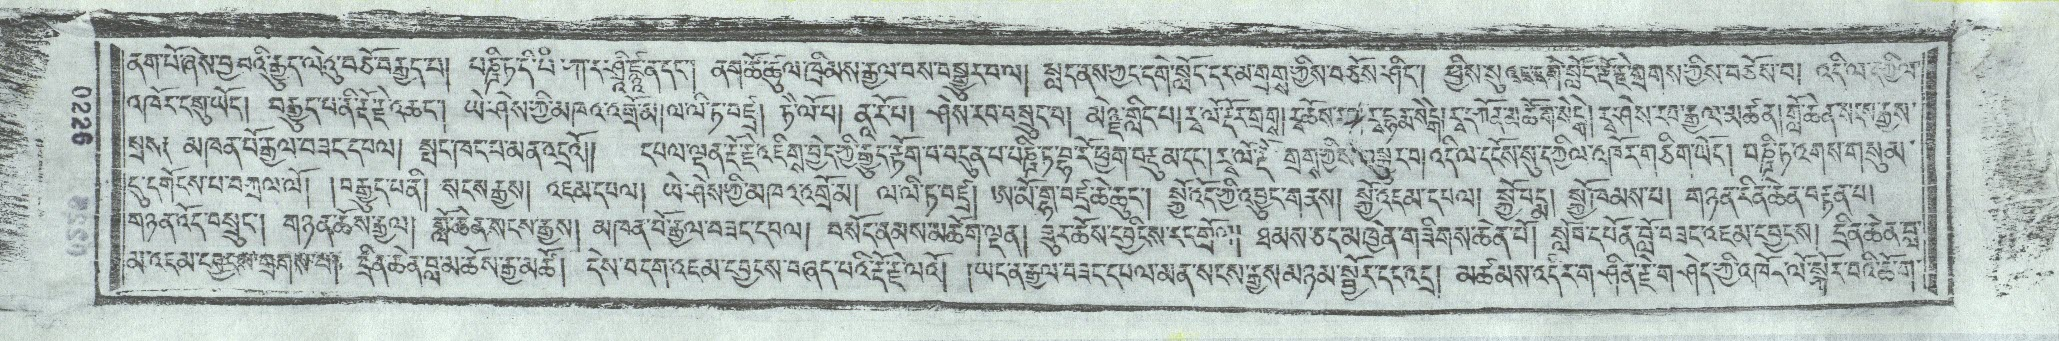ནག་པོ་ཞེས་བྱ་བའི་རྒྱུད་ལེའུ་བཅོ་བརྒྱད་པ། པཎྜི་ཏ་དི་པཾ་ཀ་ར་ཤྲཱི་ཛྙཱ་ན་དང་། ནག་ཚོ་ཚུལ་ཁྲིམས་རྒྱལ་བས་བསྒྱུར་བ་ལ། སླད་ནས་ཀྱང་དགེ་སློང་དར་མ་གྲགས་ཀྱིས་བཅོས་ཤིང་། ཕྱིས་སུ་འང་དགེ་སློང་རྡོ་རྗེ་གྲགས་ཀྱིས་བཅོས་པ། འདི་ལ་དཀྱིལ་
འཁོར་དགུ་ཡོད། བརྒྱུད་པ་ནི་རྡོ་རྗེ་འཆང་། ཡེ་ཤེས་ཀྱི་མཁའ་འགྲོ་མ། ལ་ལི་ཏ་བཛྲ། ཏཻ་ལོ་པ། ནཱ་རོ་པ། ཤེས་རབ་བསྲུང་བ། མེཉྫ་གླིང་པ། རྭ་ལོ་རྡོར་གྲགས། རྭ་ཆོས་རབ། རྭ་དྷྲྨ་སེངྒེ། རྭ་དཀོན་མཆོག་སེངྒེ། རྭ་ཤེས་རབ་རྒྱལ་མཚན། གློ་ཆེན་སངས་རྒྱས་
སྲས༑ མཁན་པོ་རྒྱལ་བཟང་དཔལ། སྤང་ཁང་པ་མན་འདྲའོ།། དཔལ་ལྡན་རྡོ་རྗེ་འཇིགས་བྱེད་ཀྱི་རྒྱུད་རྟོག་པ་བདུན་པ་པཎྜི་ཏ་བྷ་རོ་ཕྱག་བརྡུ་མ་དང་། རྭ་ལོ་རྡོ་གྲགས་ཀྱིས་བསྒྱུར་བ། འདི་ལ་དངོས་སུ་དཀྱིལ་འཁོར་གཅིག་ཡོད། པཎྜི་ཏ་འགས་གསུམ་
དུ་དགོངས་པ་བཀྲལ་ལོ། །བརྒྱུད་པ་ནི། སངས་རྒྱས། འཇམ་དཔལ། ཡེ་ཤེས་ཀྱི་མཁའ་འགྲོ་མ། ལ་ལི་ཏ་བཛྲ། ཨ་མོ་གྷ་བཛྲ་ཆེ་ཆུང་། སྐྱེ་འོད་ཀྱི་འབྱུང་གནས། སྐྱེ?་འཇམ་དཔལ། སྐྱོ་པདམ། སྐྱོ་ཁམས་པ། གཉན་རིན་ཆེན་བརྟན་པ།
གཉན་འོད་བསྲུང་། གཉན་ཆོས་རྒྱལ། གློ་ཆེན་སངས་རྒྱས། མཁན་པོ་རྒྱལ་བཟང་དཔལ། བསོད་ནམས་མཆོག་ལྡན། ཟུར་ཆོས་དབྱིངས་རང་གྲོལ། ཐམས་ཅད་མཁྱེན་གཟིགས་ཆེན་པོ། སློབ་དཔོན་བློ་བཟང་འཇམ་དབྱངས། དྲིན་ཆེན་བླ་
མ་འཇམ་དབྱངས་གྲགས་པ། དྲིན་ཆེན་བླ་མ་ཆོས་རྒྱ་མཚོ། དེས་བདག་འཇམ་དབྱངས་བཞད་པའི་རྡོ་རྗེ་ལའོ། །ཡང་ན་རྒྱལ་བཟང་དཔལ་མན་སངས་རྒྱས་མཉམ་སྦྱོར་དང་འདྲ། མཚམས་འདིར་གཤིན་རྗེ་གཤེད་ཀྱི་འཁོར་ལོ་སྐོར་བའི་ཆོག་